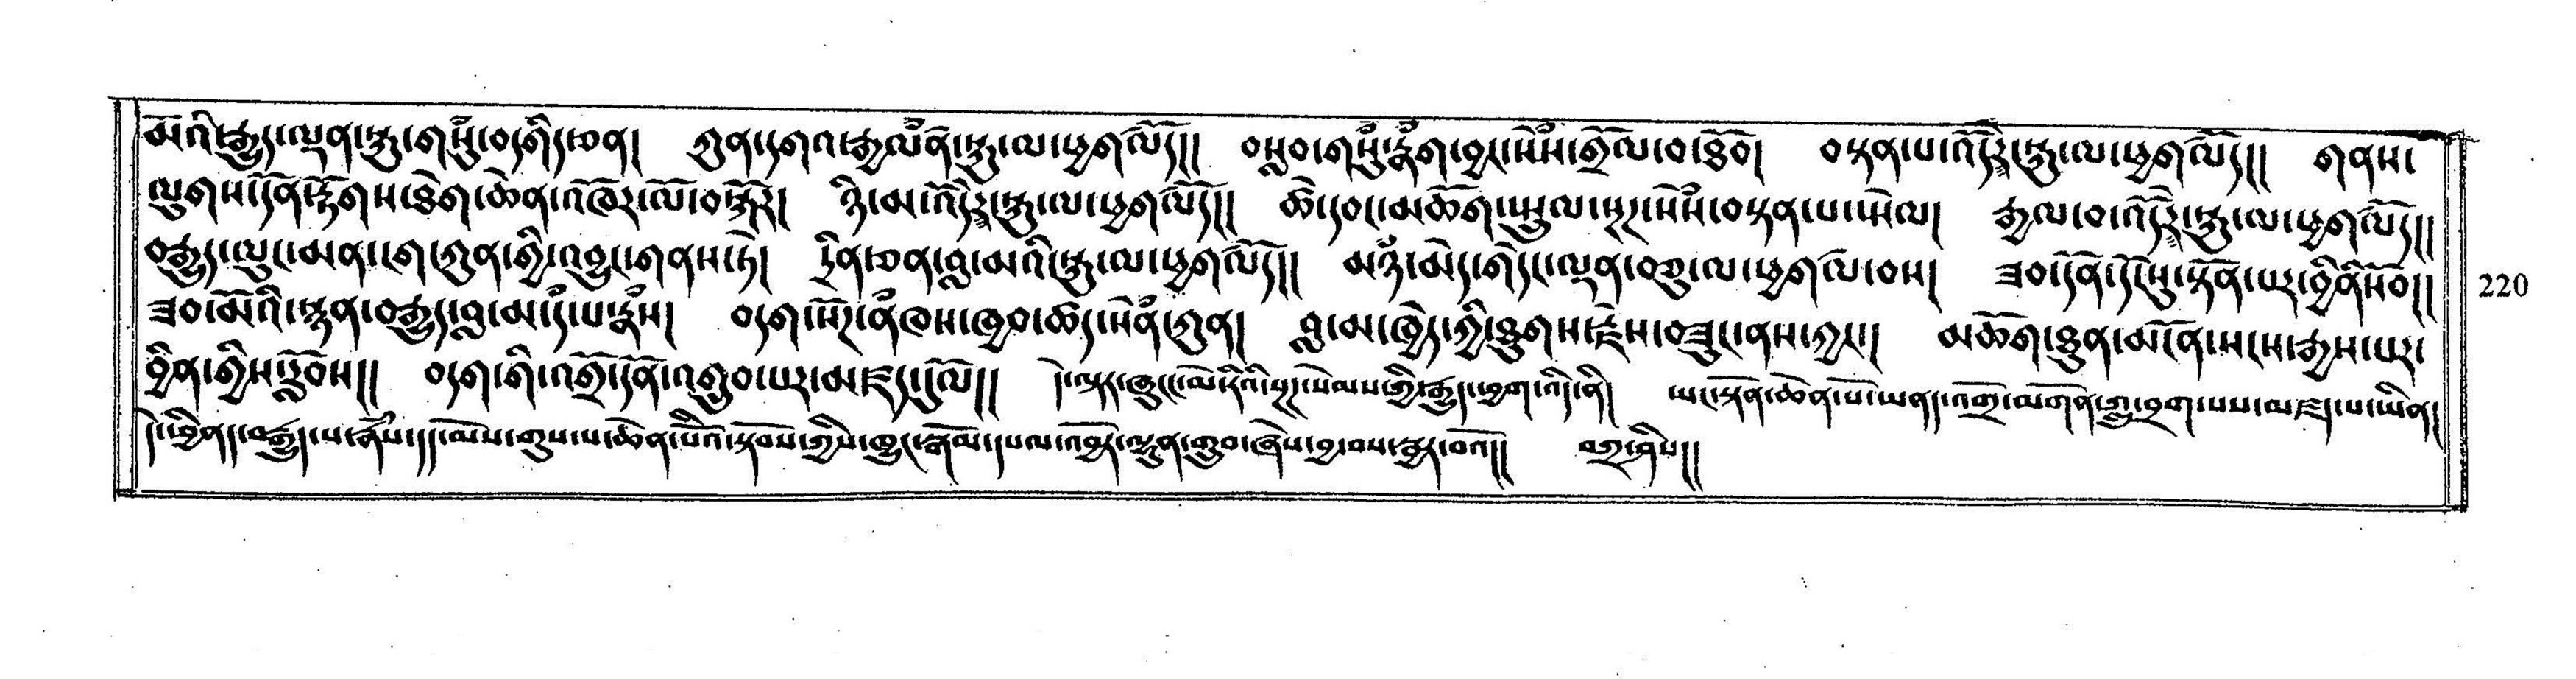མོའི་རྒྱུད་ལྡན་སྐུ་གསུམ་བདག་ཉིད་ཅན། ཀུན་དགའ་རྒྱལ་མཚན་སྐུ་ལ་ཕྱག་འཚལ་བསྟོད།། བསླབ་གསུམ་རྣམ་དག་བྱང་སེམས་གྲོལ་བ་ཐོབ། བསྟན་པ་འོད་ཟེར་སྐུ་ལ་ཕྱག་འཚལ་བསྟོད།། གནས་
ལུགས་དོན་རྟོགས་ཐེག་ཆེན་འཁོར་ལོ་བསྐོར། ཉི་མ་འོད་ཟེར་སྐུ་ལ་ཕྱག་འཚལ་བསྟོད།། ཚེ་དབང་མཆོག་སྤྲུལ་སྔགས་སེམས་བསྟན་པ་སྤེལ། རྒྱལ་བ་འོད་ཟེར་སྐུ་ལ་ཕྱག་འཚལ་བསྟོད།། 
བརྒྱུད་ལུང་མན་ངག་ཀུན་གྱི་འབྱུང་གནས་ཏེ། དྲིན་ཅན་བླ་མའི་སྐུ་ལ་ཕྱག་འཚལ་བསྟོད།། མཉམ་མེད་གདེང་ལྡན་བཅུ་ལ་ཕྱག་འཚལ་བས། ཟབ་དོན་དངོས་སུ་སྟོན་པར་བྱིན་གྱིས་རློབས།། 
ཟབ་མོའི་སྙན་བརྒྱུད་བླ་མ་དམ་པ་རྣམས། བདག་སོགས་ནམ་མཁས་ཁྱབ་ཚད་སེམས་ཅན་ཀུན། བླ་མ་ཁྱེད་ཀྱི་ཐུགས་རྗེས་བཟུང་ནས་ཀྱང་། མཆོག་ཐུན་མངོན་སངས་རྒྱས་པར་
བྱིན་གྱིས་རློབས།། བདག་གི་འགྲོ་དོན་འགྲུབ་པར་མཛད་དུ་གསོལ།། དེ་ལྟར་ཞང་ཞུང་མེ་རིའི་སྔགས་སེམས་ཀྱི་རྒྱུད་ཕྱག་འདི་ནི། ཡང་སྟོན་ཆེན་པོ་ཡན་ཆད་འགྲོ་མགོན་ཀླུ་བྲག་པས་མཛད་པ་ཡིན། 
དེ་ཕྱིན་ཆད་བརྒྱུད་པ་རྣམས་དད་མོས་གུས་པ་ཆེན་པོའི་སྟོབས་ཀྱིས་ཁྱུང་སྒོམ་དཔལ་འབྱོར་ལྷུན་གྲུབ་ཞེས་བྱ་བས་སྦྱར་བའོ།། བཀྲ་ཤིས།།